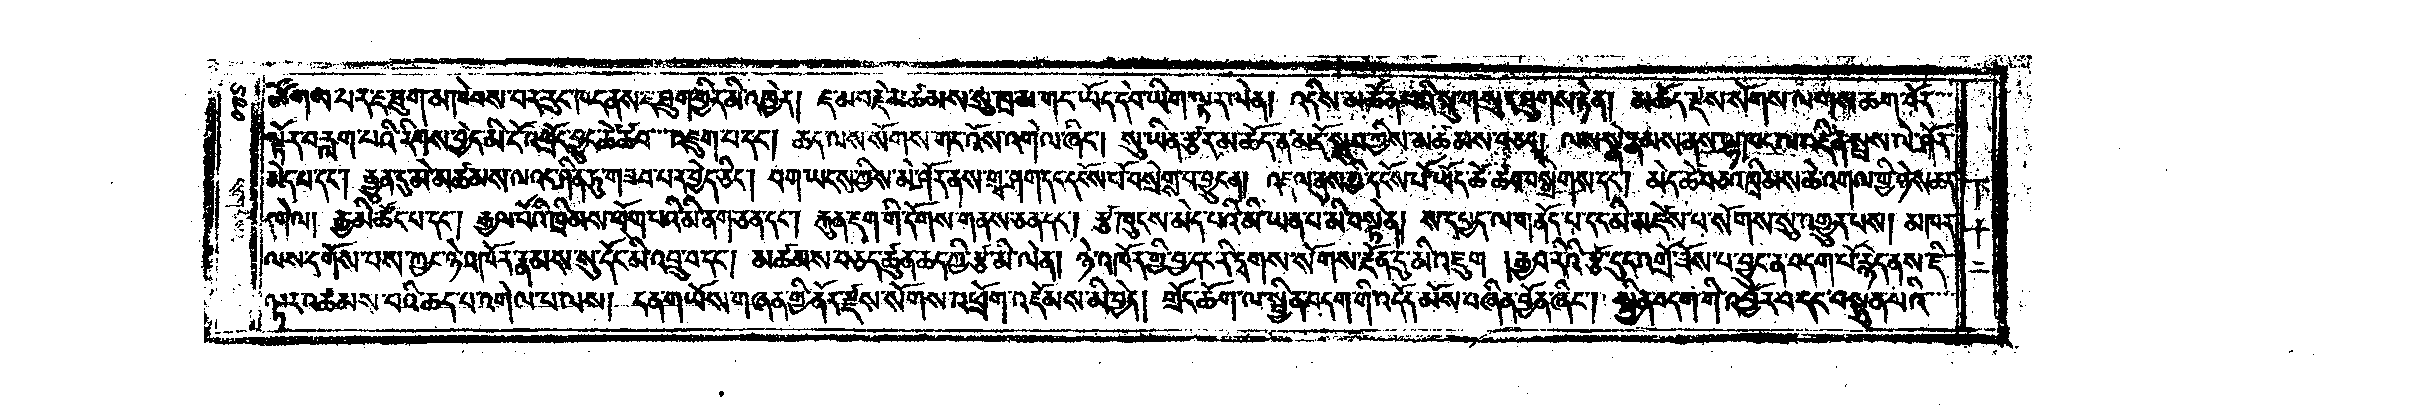ཚོགས་པར་ཇ་ཐུག་མ་ཁེབས་པར་རུང་ཁང་ནས་ཇ་ཐུག་ཕྱིར་མི་འཁྱེར། ཇ་མ་བརྗེ་མཚམས་སུ་ཁྲ་མ་གང་ཡོད་དེབ་ཡིག་ལྟར་ལེན། འདིས་མཚོན་པའི་སྐུ་གསུང་ཐུགས་རྟེན། མཆོད་རྫས་སོགས་ལ་གས་ཆག་བོར་
སྟོར་བརླག་པའི་རིགས་བྱེད་མི་ངོ་འཕྲོད་བྱུང་ཚེ་ཚབ་འཇུག་པ་དང་། ཆད་ལས་སོགས་གང་འོས་འགེལ་ཞིང་། སུ་ཡིན་རྩར་མ་ཆོད་ན་མངོ་སྒྲུབ་ཀྱིས་མཚམས་བཅད། ལས་སྣེ་རྣམས་ནས་ལྷ་ཁང་ལ་འཛིན་སྤྲས་ལེ་ཤོར་
མེད་པ་དང་། རྒྱུན་དུ་མེ་མཚམས་ལའང་ཤིན་ཏུ་གཟབ་པར་བྱེད་ཅིང་། བག་ཡངས་ཀྱིས་མེ་ཤོར་ནས་གྲྭ་ཤག་དང་དངོས་པོ་བསྲེགས་པ་བྱུང་ན། འཇལ་ནུས་ཀྱི་དངོས་པོ་ཡོད་ཚེ་ཚབ་བསྒྲིགས་དང་། མེད་ཚེ་བཅའ་ཁྲིམས་ཆེ་འགལ་གྱི་ཉེས་ཆད་
དགེ་ལ། རྒྱ་མི་ཚོང་པ་དང་། རྒྱལ་པོའི་ཁྲིམས་ཕོག་པའི་མི་ནག་ཅན་དང་། རྐུན་ཇག་གི་དོགས་གནས་ཅན་དང་། རྩ་ཁུངས་མེད་པའི་མི་ཡན་པ་མི་བསྟེན། ས་དཔྱད་ལ་གནོད་པ་དང་མི་མཛེས་པ་སོགས་སུ་འགྱུར་པས། མཁར་
ལས་དགོས་པས་ཀྱང་ཉེ་འཁོར་རྣམས་སུ་དོང་མི་འབྲུ་བ་དང་། མཚམས་བཅད་ཚུན་ཆད་ཀྱི་རྩ་མི་ལེན། ཉེ་འཁོར་གྱི་བྱ་དང་རི་དྭགས་སོགས་རྔོན་དུ་མི་འཇུག །རྒྱབ་རིའི་རྩ་དུད་འགྲོ་ཟོས་པ་བྱུང་ན་བདག་པོ་རྙེད་ནས་ཇི་
ལྟར་འཚམས་པའི་ཆད་པ་འགེལ་པ་ལས། ངན་གཡོས་གཞན་གྱི་ནོར་རྫས་སོགས་འཕྲོག་འཇོམས་མི་བྱེད། གྲོང་ཆོག་ལ་སྦྱིན་བདག་གི་འདོད་མོས་བཞིན་བྱོན་ཞིང་། སྦྱིན་བདག་གི་འབྱོར་བ་དང་བསྟུན་པའི་